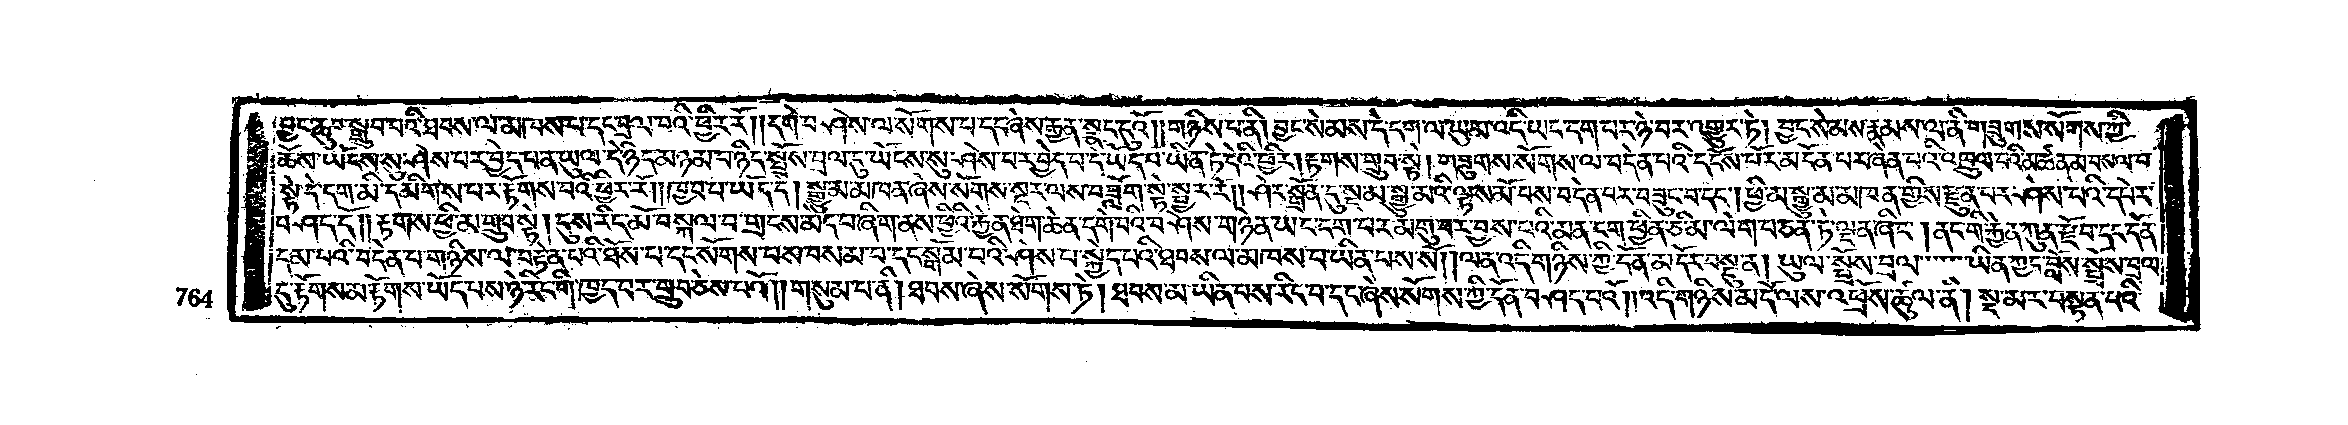བྱང་ཆུབ་སྒྲུབ་པའི་ཐབས་ལ་མཁས་པ་དང་བྲལ་བའི་ཕྱིར་རོ། །དགེ་བཤེས་ལ་སོགས་པ་དང་ཞེས་རྒྱན་སྣང་དུའོ། །གཉིས་པ་ནི། བྱང་སེམས་དེ་དག་ལ་ཡུམ་འདི་ཡང་དག་པར་ཉེ་བར་འགྱུར་ཏེ། བྱང་སེམས་རྣམས་ལ་ནི་གཟུགས་སོགས་ཀྱི་
ཆོས་ཡོངས་སུ་ཤེས་པར་བྱེད་པ་ན་ཡུལ་དེ་ཉིད་མཉམ་པ་ཉིད་སྤྲོས་བྲལ་དུ་ཡོངས་སུ་ཤེས་པར་བྱེད་པ་དེ་ཡོད་པ་ཡིན་ཏེ་དེའི་ཕྱིར། རྟགས་གྲུབ་སྟེ། གཟུགས་སོགས་ལ་བདེན་པའི་དངོས་པོར་མངོན་པར་ཞེན་པའི་འཁྲུལ་པའི་མཚན་མ་བསལ་བ་
སྟེ་དེ་དག་མི་དམིགས་པར་རྟོགས་པའི་ཕྱིར་རོ། །ཁྱབ་པ་ཡོད་དེ། སྒྱུ་མ་མཁན་ཞེས་སོགས་སྔར་ལས་བཟློག་སྟེ་སྦྱར་རོ། །ཤེར་སྒྲོན་དུ་སྔ་མ་སྒྱུ་མའི་ལྟས་མོ་བས་བདེན་པར་བཟུང་བ་དང་། ཕྱི་མ་སྒྱུ་མ་མཁན་གྱིས་རྫུན་པར་ཤེས་པའི་དཔེར་
བཤད་དོ། །རྟགས་ཕྱི་མ་གྲུབ་སྟེ། དུས་རིང་མོ་བསྐལ་པ་གྲངས་མེད་པ་ཞིག་ནས་ཕྱིའི་རྐྱེན་ཐེག་ཆེན་དགེ་བའི་བཤེས་གཉེན་ཡང་དག་པར་མགུ་བར་བྱས་པའི་མན་ངག་ཕྱིན་ཅི་མ་ལོག་པ་ཅན་ཏེ་ལྡན་ཞིང་། ནང་གི་རྐྱེན་ཀུན་རྫོབ་དང་དོན་
དམ་པའི་བདེན་པ་གཉིས་ལ་བརྟན་པའི་ཐོས་པ་དང་སོགས་པས་བསམ་པ་དང་སྒོམ་པའི་ཤེས་པ་སྐྱེད་པའི་ཐབས་ལ་མཁས་པ་ཡིན་པས་སོ། །ལན་འདི་གཉིས་ཀྱི་དོན་མདོར་བསྡུ་ན། ཡུལ་སྤྲོས་བྲལ་ཡིན་ཀྱང་བློས་སྤྲོས་བྲལ་
དུ་རྟོགས་མ་རྟོགས་ཡོད་པས་ཉེ་རིང་གི་ཁྱད་པར་གྲུབ་ཅེས་པའོ། །གསུམ་པ་ནི། ཐབས་ཞེས་སོགས་ཏེ། ཐབས་མ་ཡིན་པས་རིང་བ་དང་ཞེས་སོགས་ཀྱི་དོན་བཤད་པའོ། །འདི་གཉིས་མདོ་ལས་འཕྲོས་ཚུལ་ནི། སྔ་མར་བསྟན་པའི་